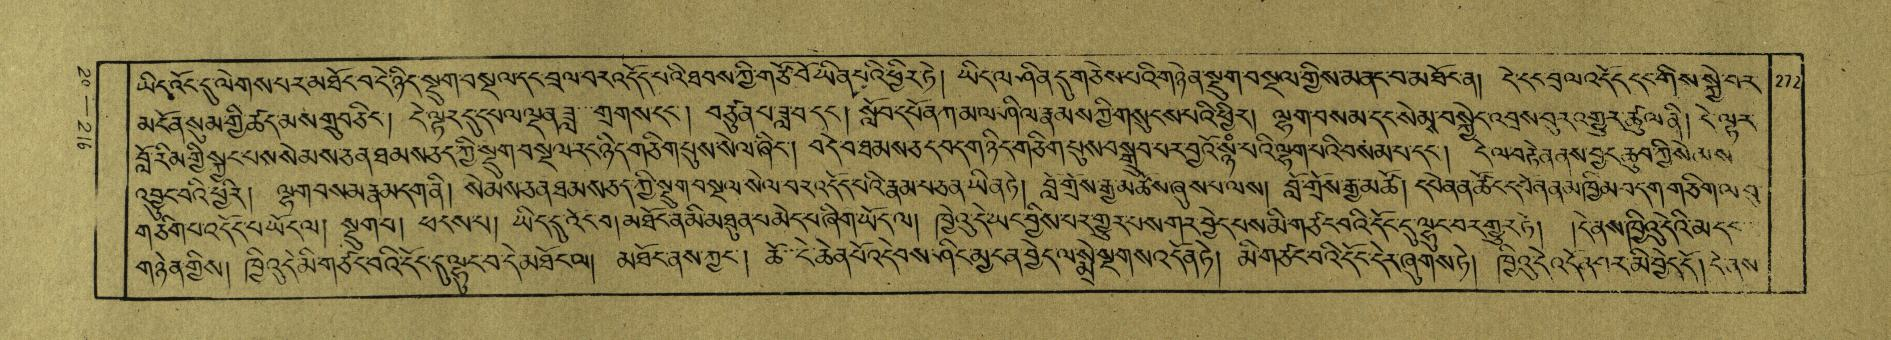ཡིད་འོང་དུ་ལེགས་པར་མཐོང་བ་དེ་ཉིད་སྡུག་བསྔལ་དང་བྲལ་བར་འདོད་པའི་ཐབས་ཀྱི་གཙོ་བོ་ཡིན་པའི་ཕྱིར་ཏེ། ཡིད་ལ་ཤིན་ཏུ་གཅེས་པའི་གཉེན་སྡུག་བསྔལ་གྱིས་མནང་བ་མཐོང་ན། དེ་དང་བྲལ་འདོད་དང་གིས་སྐྱེ་བར་
མངོན་སུམ་གྱི་ཚད་མས་གྲུབ་ཅིང་། དེ་ལྟར་དུ་དཔལ་ལྡན་ཟླ་གྲགས་དང་། བཙུན་པ་ཟླ་བ་དང་། སློབ་དཔོན་ཀ་མ་ལ་ཤི་ལ་རྣམས་ཀྱི་གསུངས་པའི་ཕྱིར། ལྷག་བསམ་དང་སེམས་བསྐྱེད་འབྲས་བུར་འགྱུར་ཚུལ་ནི། དེ་ལྟར་
བློ་རིམ་གྱི་སྐྱང་པས་སེམས་ཅན་ཐམས་ཅད་ཀྱི་སྡུག་བསྔལ་རང་ཉིད་གཅིག་པུས་སེལ་ཞིང་། བདེ་བ་ཐམས་ཅད་བདག་ཉིད་གཅིག་པུས་བསྒྲུབ་པར་བྱའོ་སྙཾ་པའི་ལྷག་པའི་བསམ་པ་དང་། དེ་ལ་བརྟེན་ནས་བྱང་ཆུབ་ཀྱི་སེམས་
འབྱུང་བའི་ཕྱིར། ལྷག་བསམ་རྣམ་དག་ནི། སེམས་ཅན་ཐམས་ཅད་ཀྱི་སྡུག་བསྔལ་སེལ་བར་འདོད་པའི་རྣམ་པ་ཅན་ཡིན་ཏེ། བློ་གྲོས་རྒྱ་མཚོས་ཞུས་པ་ལས། བློ་གྲོས་རྒྱ་མཚོ། དཔེན་ན་ཚོང་དཔོན་ནམ་ཁྱིམ་བདག་གཅིག་ལ་བུ་
གཅིག་པ་འདོད་པ་ཡོད་ལ། སྡུག་པ། ཕངས་པ། ཡིད་དུ་འོང་བ། མཐོང་ན་མི་མཐུན་པ་མེད་པ་ཞིག་ཡོད་ལ། ཁྱེའུ་དེ་ཡང་བྱིས་པར་གྱུར་པས་གར་བྱེད་པས་མི་གཙང་བའི་དོང་དུ་ལྷུང་བར་འགྱུར་ཏོ། །དེ་ནས་ཁྱིའུ་དེའི་མ་དང་
གཉེན་གྱིས། ཁྱིའུ་དེ་མི་གཙང་བའི་དོང་དུ་ལྷུང་བ་དེ་མཐོང་ལ། མཐོང་ནས་ཀྱང་། ཚེ་ངེ་ཆེན་པོ་འདེབས་ཤིང་མྱ་ངན་བྱེད་ལ་སྨྲེ་སྔགས་འདོན་ཏེ། མི་གཙང་བའི་དོང་དེར་ཞུགས་ཏེ། ཁྱིའུ་དེ་འདོན་པར་མི་བྱེད་དོ། དེ་ནས་